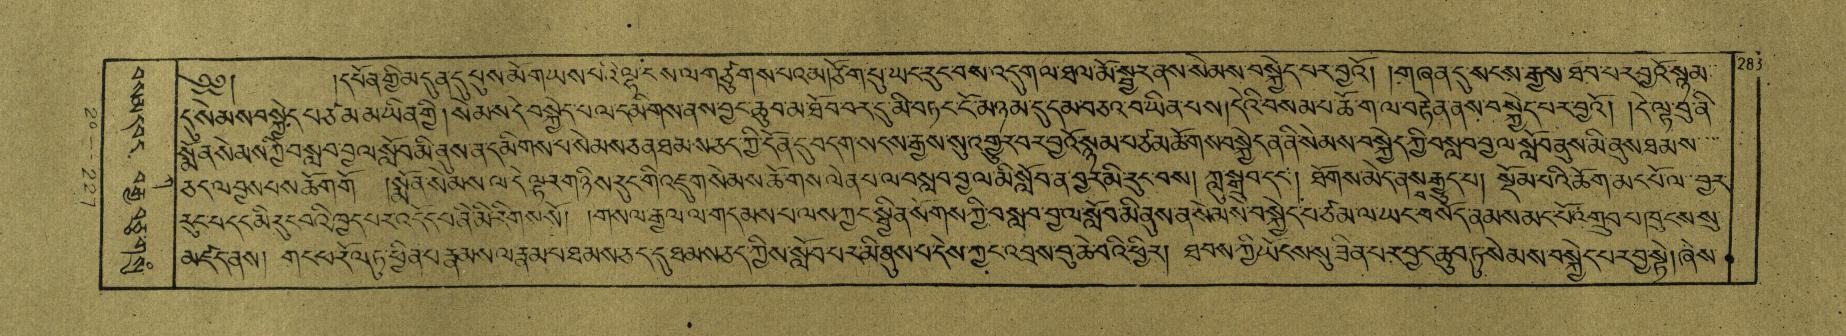༄༅། །དཔོན་གྱི་མདུན་དུ་པུས་མོ་གཡས་པའི་ལྷ་ང་ས་ལ་གཙུགས་པའམ། ཙོག་པུ་ཡང་རུང་བས་འདུག་ལ་ཐལ་མོ་སྦྱར་ནས་སེམས་བསྐྱེད་པར་བྱའོ། །གཞན་དུ་སངས་རྒྱས་ཐོབ་པར་བྱའོ་སྙམ་
དུ་སེམས་བསྐྱེད་པ་ཙམ་མ་ཡིན་གྱི། སེམས་དེ་བསྐྱེད་པ་ལ་དམིགས་ནས་བྱང་ཆུབ་མ་ཐོབ་བར་དུ་མི་བཏང་ངོ་མཉམ་དུ་དམ་བཅའ་བ་ཡིན་པས། དེའི་བསམ་པ་ཆོ་ག་ལ་བརྟེན་ནས་བསྐྱེད་པར་བྱའོ། །དེ་ལྟ་བུ་ནི་
སྨོན་སེམས་ཀྱི་བསླབ་བྱ་ལ་སློབ་མི་ནུས་ན་དམིགས་པ་སེམས་ཅན་ཐམས་ཅད་ཀྱི་དོན་དུ་བདག་སངས་རྒྱས་སུ་འགྱུར་བར་བྱའོ་སྙམ་པ་ཙམ་ཆོ་གས་བསྐྱེད་ན་ནི་སེམས་བསྐྱེད་ཀྱི་བསླབ་བྱ་ལ་སློབ་ནུས་མི་ནུས་ཐམས་
ཅད་ལ་བྱས་པས་ཆོག་གོ །སྨོན་སེམས་ལ་དེ་ལྟར་གཉིས་རུང་གི་འཇུག་སེམས་ཆོ་གས་ལེན་པ་ལ་བསླབ་བྱ་ལ་མི་སློབ་ན་བྱར་མི་རུང་བས། ཀླུ་སྒྲུབ་དང་། ཐོགས་མེད་ནས་བརྒྱུད་པ། སྡོམ་པའི་ཆོ་ག་མང་པོ་ལ་བྱར་
རུང་པ་དང་མི་རུང་བའི་ཁྱད་པར་འདོད་པ་ནི་མི་རིགས་སོ། །གསལ་རྒྱལ་ལ་གདམས་པ་ལས་ཀྱང་སྦྱིན་སོགས་ཀྱི་བསླབ་བྱ་ལ་སློབ་མི་ནུས་ན་སེམས་བསྐྱེད་པ་ཙམ་ལ་ཡང་བསོད་ནམས་མང་པོ་འགྲུབ་པ་ཁུངས་སུ་
མཛད་ནས། གང་ཕ་རོལ་ཏུ་ཕྱིན་པ་རྣམས་ལ་རྣམ་པ་ཐམས་ཅད་དུ་ཐམས་ཅད་ཀྱིས་སློབ་པར་མི་ནུས་པ་དེས་ཀྱང་འབྲས་བུ་ཆེ་བའི་ཕྱིར། ཐབས་ཀྱི་ཡོངས་སུ་ཟིན་པར་བྱང་ཆུབ་ཏུ་སེམས་བསྐྱེད་པར་བྱ་སྟེ། ཞེས་